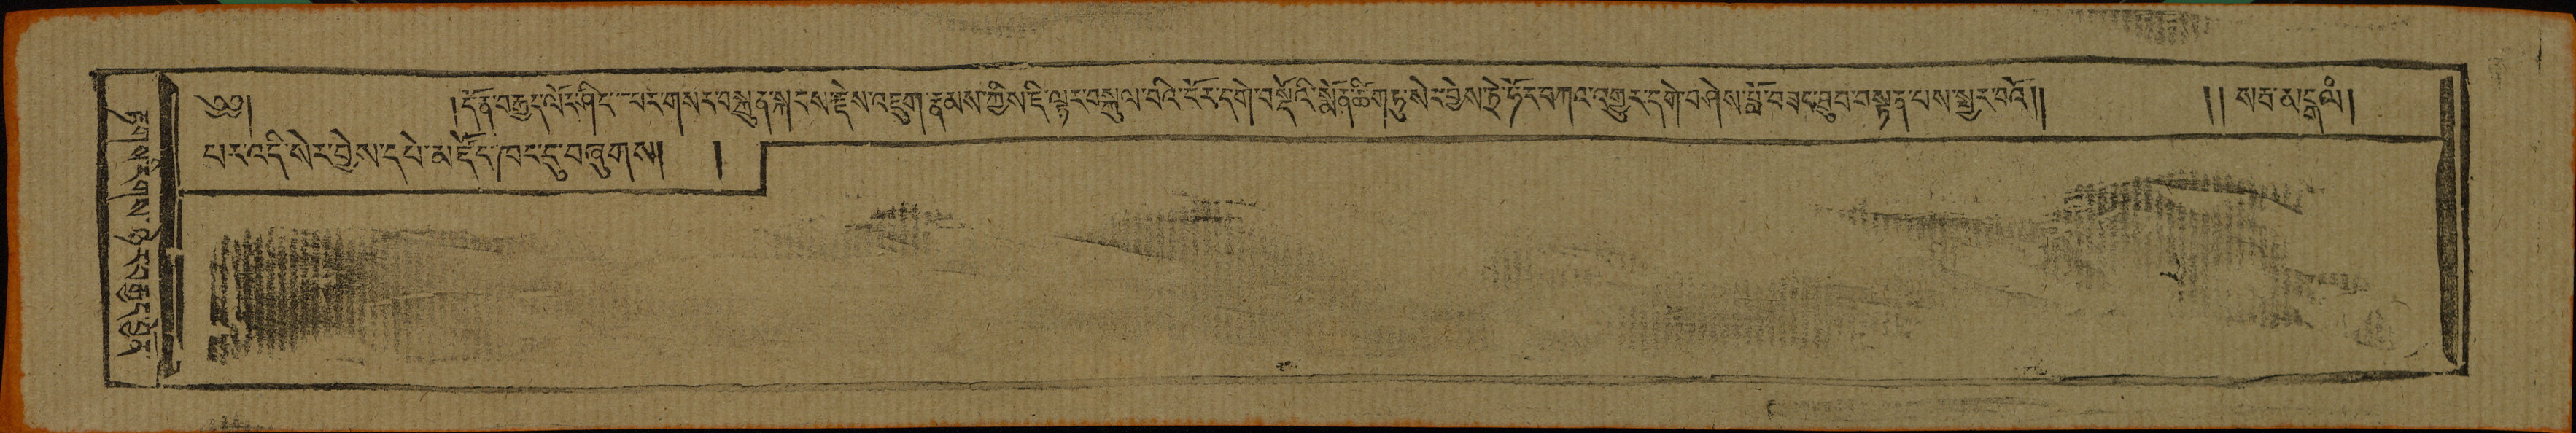༄༅། །དོན་བརྒྱད་ལོར་ཤིང་པར་གསར་བསྐྲུན་སྐབས་རྗེས་འཇུག་རྣམས་ཀྱིས་ཇི་ལྟར་བསྐུལ་བའི་ངོར་དགེ་བསྡོའི་?་སྨོན་ཚིག་ཏུ་སེར་བྱེས་ཏྲེ་ཧོར་བཀའ་འགྱུར་དགེ་བཤེས་བློ་བཟང་ཐུབ་བསྟན་པས་སྦྱར་བའོ།། །།སརྦ་མངྒལཾ།
པར་འདི་སེར་བྱེས་དཔེ་མཛོད་ཁང་དུ་བཞུགས། །